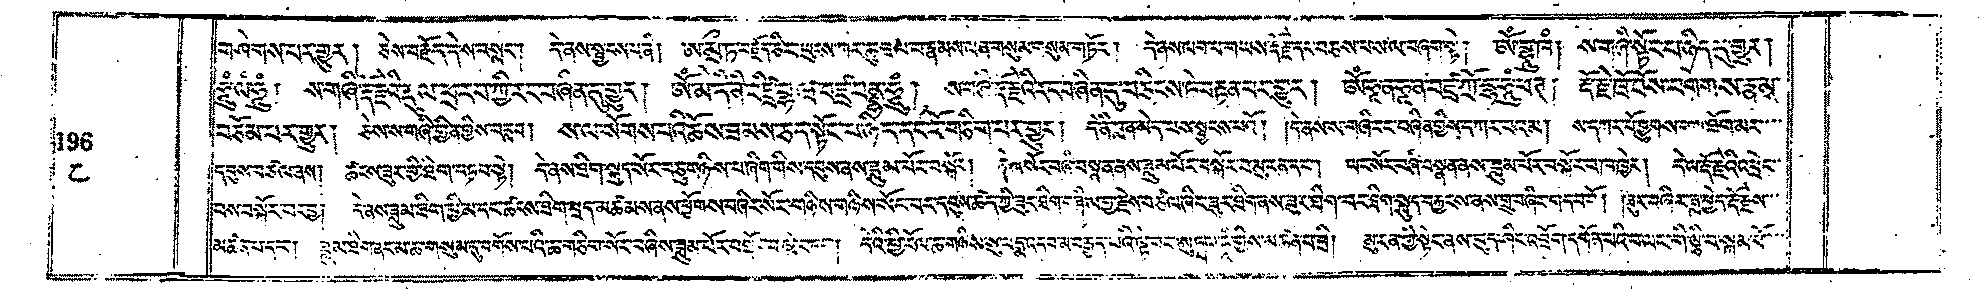གཤེགས་པར་གྱུར། ཅེས་བརྗོད་དེ་ས་བསླང་། དེ་ནས་སྦྱངས་པ་ནི། ཨ་མྲྀ་ཏ་བརྗོད་ཅིང་ཡུངས་ཀར་ཆུ་ཐལ་བ་རྣམས་ལན་གསུམ་གསུམ་གཏོར། དེ་ནས་ལག་པ་གཡས་རྡོ་རྗེ་དང་བཅས་པ་ས་ལ་བཞག་སྟེ།  ཨོཾ་བྷཱུ་ཁཾ། ས་གཞི་སྟོང་པ་ཉིད་དུ་གྱུར།
ཧཱུཾ་ལཾ་ཧཱུཾ། ས་གཞི་རྡོ་རྗེའི་རྡུལ་ཕྲ་རབ་ཀྱི་རང་བཞིན་དུ་གྱུར། ཨོཾ་མེ་དི་ནི་བིཛྲ་བྷ་ཝ་བཛྲ་བནྡྷ་ཧཱུཾ། ས་གཞི་རྡོ་རྗེའི་རང་བཞིན་དུ་བཅིངས་ཏེ་བརྟན་པར་གྱུར། ཨོཾ་ཧཱ་ན་ཧཱ་ན་བཛྲ་ཀྲོ་དྷ་ཧཱུཾ་ཕཊ། རྡོ་རྗེ་ཁྲོ་བོས་བགེགས་རྣམས་
བཅོམ་པར་གྱུར། ཅེས་ས་གཞི་བྱིན་གྱིས་བརླབ།  ས་ལ་སོགས་པའི་ཆོས་ཐམས་ཅད་སྟོང་པ་ཉིད་དང་རོ་གཅིག་པར་གྱུར། དེ་ནི་བླ་ན་མེད་པས་སྦྱངས་པའོ། །དེ་ནས་ས་གཞི་རང་བཞིན་གྱིས་དཀར་པའམ། ས་དཀར་པོ་བྱུགས་པ་ལ་ཐོག་མར་་་
དབུས་བཙལ་ནས། ཚངས་ཟུར་གྱི་ཐིག་བཏབ་སྟེ། དེ་ནས་ཐིག་སྐུད་སོར་བཅུ་གཉིས་པ་ཞིག་གིས་དབུས་ནས་ཟླུམ་པོར་བསྐོར། ?སོར་བཞི་བ་བསྣན་ནས་ཟླུམ་པོར་བསྐོར་བ་མུ་རན་དང་། ཡང་སོར་བཞི་བསྣན་ནས་ཟླུམ་པོར་བསྐོར་བ་ཁ་ཁྱེར། དེ་ལ་རྡོ་རྗེའི་འཕྲེང་་་
བས་བསྐོར་བར་བྱ། དེ་ནས་ཟླུམ་ཐིག་ཕྱི་མ་དང་ཚངས་ཐིག་ཕྲད་མཚམས་ནས་ཕྱོགས་བཞིར་སོར་གཉིས་གཉིས་སོང་བར་དབུས་ཚད་ཀྱི་ཟུར་ཐིག་བཞི་ལ་བྱ་རྗེས་བཙལ་ཞིང་ཟུར་ཐིག་ནས་ཟུར་ཐིག་བར་ཐིག་སྐུད་བརྐྱངས་ནས་གྲུ་བཞིར་གདབ་བོ། །ཟུར་བཞིར་ཟླ་ཕྱེད་རྡོ་རྗེས་་་
མཚན་པ་དང་། ཟླུམ་ཐིག་ནང་མ་ཆ་གསུམ་དུ་བགོས་པའི་ཆ་གཅིག་སོར་བཞིས་ཟླུམ་པོར་བསྐོར་བ་ལྟེ་བ་དང་། དེའི་ཕྱི་རོལ་ཆ་གཉིས་སུ་པདམ་འདབ་མ་བརྒྱད་པའི་ལྟེ་བར་ཨུཏྤལ་ཏཱཾ་གྱིས་མཚན་པ་བྲི། མུ་རན་གྱི་སྟེང་ནས་བུད་ཤིང་འབྲོག་དགོན་པའི་བ་ལང་གི་ལྕི་བ་སྐམ་པོ་་་